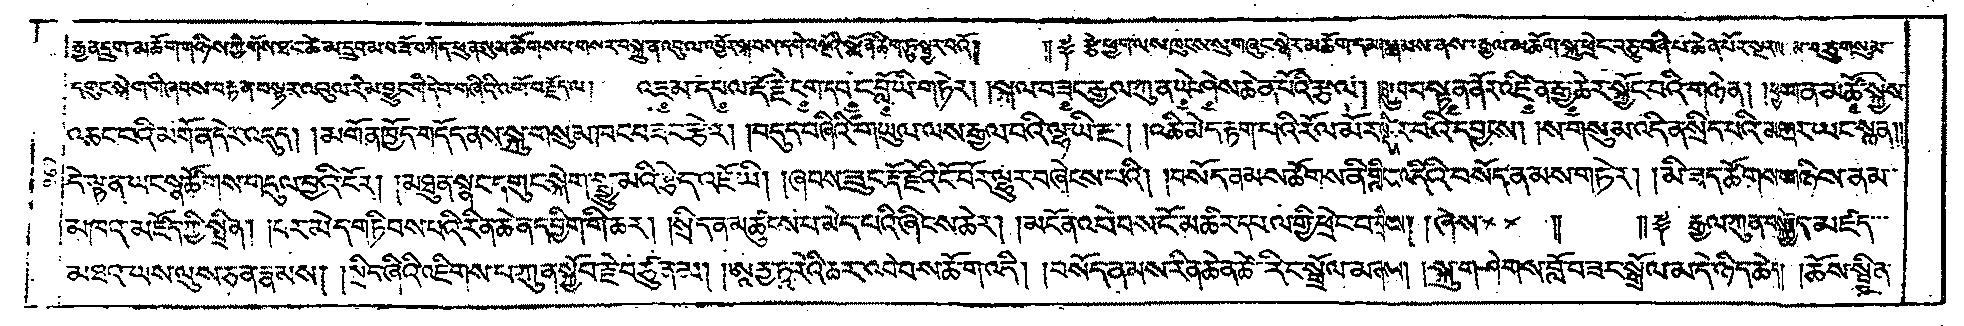རྒྱན་དྲུག་མཆོག་གཉིས་ཀྱི་གོས་ཐང་ཚེམ་དྲུབ་མ་བཟོ་བཀོད་ཕུན་སུམ་ཚོགས་པ་གསར་བསྐྲུན་འབུལ་འབྱོར་སྐབས་དགེ་བསྔོའི་སྨོན་ཚིག་ཏུ་སྦྱར་བའོ།། །། ༈ རྩེ་ཕྱག་ལས་ཁུངས་སུ་གཞུང་སྒེར་མཆོག་དམན་རྣམས་ནས་༧རྒྱལ་མཆོག་སྐུ་ཕྲེང་བཅུ་བཞི་པ་ཆེན་པོར་སྔར་ལམ་བཅུ་གསུམ་
དགུང་སྐེག་གི་ཞབས་བརྟན་བསྟར་འབུལ་རིམ་བྱུང་གི་དེབ་གཞིའི་འགོ་བརྗོད་ལ། འཇམ྾་དཔལ྾་རྡོ་རྗེ་ངག྾་དབང྾་བློ྾་ཡི་གཏེར། །སྐལ་བཟང྾་རྒྱལ་ཀུན་ཡེ྾་ཤེས྾་ཆེན་པོའི་རྩལ། །ཐུབ་བསྟན྾་ནོར་འཛིན྾་རྒྱ྾་ཆེར་སྐྱོང་བའི་གཉེན། །ཕྱག་ན་མཚོ྾་སྐྱེས་
འཆང་བའི་མགོན་དེར་འདུད། །མགོན་ཁྱོད་གདོད་ནས་སྐུ་གསུམ་ཁང་བཟང་རྩེར། །བདུད་བཞིའི་གཡུལ་ལས་རྒྱལ་བའི་ལྷ་ཡི་རྔ། །འཆི་མེད་རྟག་པའི་རོལ་མོར་ལྡིར་བའི་དབྱངས། །ས་གསུམ་འདི་ན་སྲིད་པའི་མཐར་ཡང་སྙན།།
དེ་ལྟ་ན་ཡང་སྣ་ཚོགས་གདུལ་བྱའི་ངོར། །མཐུན་སྣང་དགུང་སྐེག་སྒྱུ་མའི་རྩེད་འཇོ་ཡི། །ཞབས་ཟུང་རྡོ་རྗེའི་ངོ་བོར་ལྷུར་བཞེངས་པའི། །བསོད་ནམས་ཚོགས་ནི་གླིང་འདིའི་བསོད་ནམས་གཏེར། །མི་ཟད་ཚོགས་གཉིས་ནམ་
མཁའ་མཛོད་ཀྱི་སྤྲིན། །བར་མེད་གཏིབས་པའི་རིན་ཆེན་དབྱིག་གི་ཆར། །སྲིད་ན་མཚུངས་པ་མེད་པའི་ཞིང་ས་ཆེར། །མངོན་འབེབས་ངོ་མཚར་དཔལ་གྱི་ཕྲེང་བ་བྲིས། །ཞེས་྾་྾།། །། ༈ རྒྱལ་ཀུན་བསྐྱེད་མཛད་
མཐའ་ཡས་ལུས་ཅན་རྣམས། །སྲིད་ཞིའི་འཇིགས་པ་ཀུན་སྐྱོབ་རྗེ་བཙུན་མ། །ཨཱརྱ་ཏཱ་རེའི་ཆར་འབེབས་ཆོ་ག་འདི། །བསོད་ནམས་རིན་ཆེན་ཚེ་རིང་སྒྲོལ་མ་ནས། །སྐུ་གཤེགས་བློ་བཟང་སྒྲོལ་མ་དེ་ཉིད་ཆེད། །ཆོས་སྦྱིན་